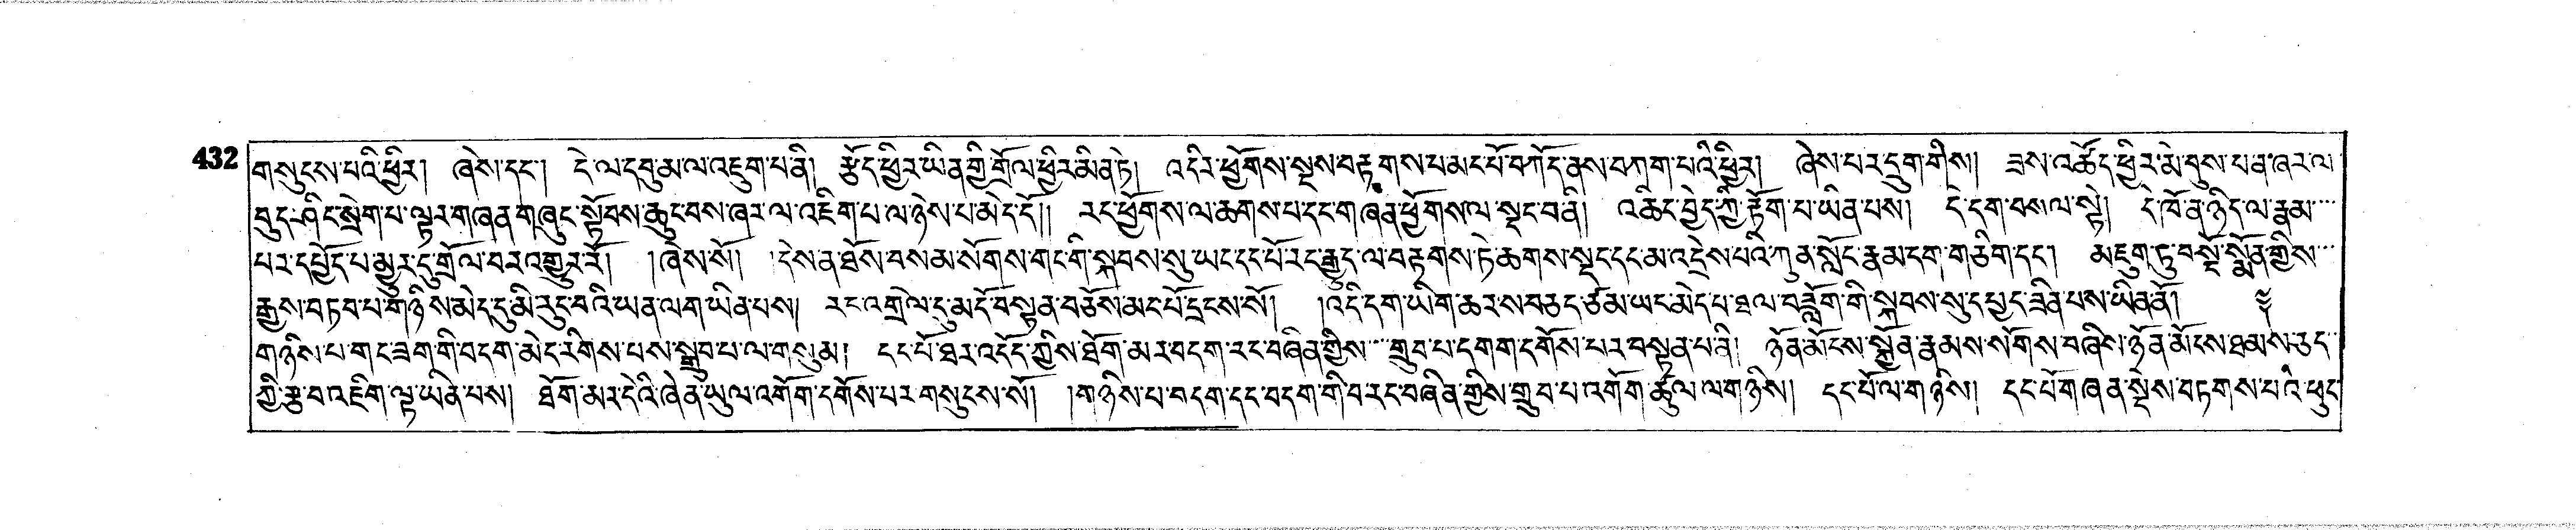གསུངས་པའི་ཕྱིར། ཞེས་དང་། དེ་ལ་དབུ་མ་ལ་འཇུག་པ་ནི། རྩོད་ཕྱིར་ཡིན་གྱི་གྲོལ་ཕྱིར་མིན་ཏེ། འདིར་ཕྱོགས་སྔས་བརྟགས་པ་མང་པོ་བཀོད་ནས་བཀག་པའི་ཕྱིར། ཞེས་པར་དྲུག་གིས། ཟས་འཚོད་ཕྱིར་མེ་བུས་པ་ན་ཞར་ལ་
བུད་ཤིང་སྲེག་པ་ལྟར་གཞན་གཞུང་སྟོབས་ཆུང་བས་ཞར་ལ་འཇིག་པ་ལ་ཉེས་པ་མེད་དོ། །རང་ཕྱོགས་ལ་ཆགས་པ་དང་གཞན་ཕྱོགས་ལ་སྡང་བ་ནི། འཆིང་བྱེད་ཀྱི་རྟོག་པ་ཡིན་པས། དེ་དག་བསལ་སྟེ། དེ་ཁོ་ན་ཉིད་ལ་རྣམ་
པར་དཔྱོད་པ་མྱུར་དུ་གྲོལ་བར་འགྱུར་རོ། །ཞེས་སོ། །དེས་ན་ཐོས་བསམ་སོགས་གང་གི་སྐབས་སུ་ཡང་དང་པོ་རང་རྒྱུད་ལ་བརྟགས་ཏེ་ཆགས་སྡང་དང་མ་འདྲེས་པའི་ཀུན་སློང་རྣམ་དག་གཅིག་དང་། མཇུག་ཏུ་བསྔོ་སྨོན་གྱིས་
རྒྱས་བཏབ་པ་གཉིས་མེད་དུ་མི་རུང་བའི་ཡན་ལག་ཡིན་པས། རང་འགྲེལ་དུ་མདོ་བསྟན་བཅོས་མང་པོ་དྲངས་སོ། །འདི་དག་ཡིག་ཆར་ས་བཅད་ཙམ་ཡང་མེད་པ་ཐལ་བཟློག་གི་སྐབས་སུ་དཔྱད་ཟིན་པས་ཡིན་ནོ། ༈
གཉིས་པ་གང་ཟག་གི་བདག་མེད་རིགས་པས་སྒྲུབ་པ་ལ་གསུམ། དང་པོ་ཐར་འདོད་ཀྱིས་ཐོག་མར་བདག་རང་བཞིན་གྱིས་གྲུབ་པ་དགག་དགོས་པར་བསྟན་པ་ནི། ཉོན་མོངས་སྐྱོན་རྣམས་སོགས་བཞིས་ཉོན་མོངས་ཐམས་ཅད་
ཀྱི་རྩ་བ་འཇིག་ལྟ་ཡིན་པས། ཐོག་མར་དེའི་ཞེན་ཡུལ་འགོག་དགོས་པར་གསུངས་སོ། །གཉིས་པ་བདག་དང་བདག་གི་བ་རང་བཞིན་གྱིས་གྲུབ་པ་འགོག་ཚུལ་ལ་གཉིས། དང་པོ་ལ་གཉིས། དང་པོ་གཞན་སྡེས་བཏགས་པའི་ཕུང་